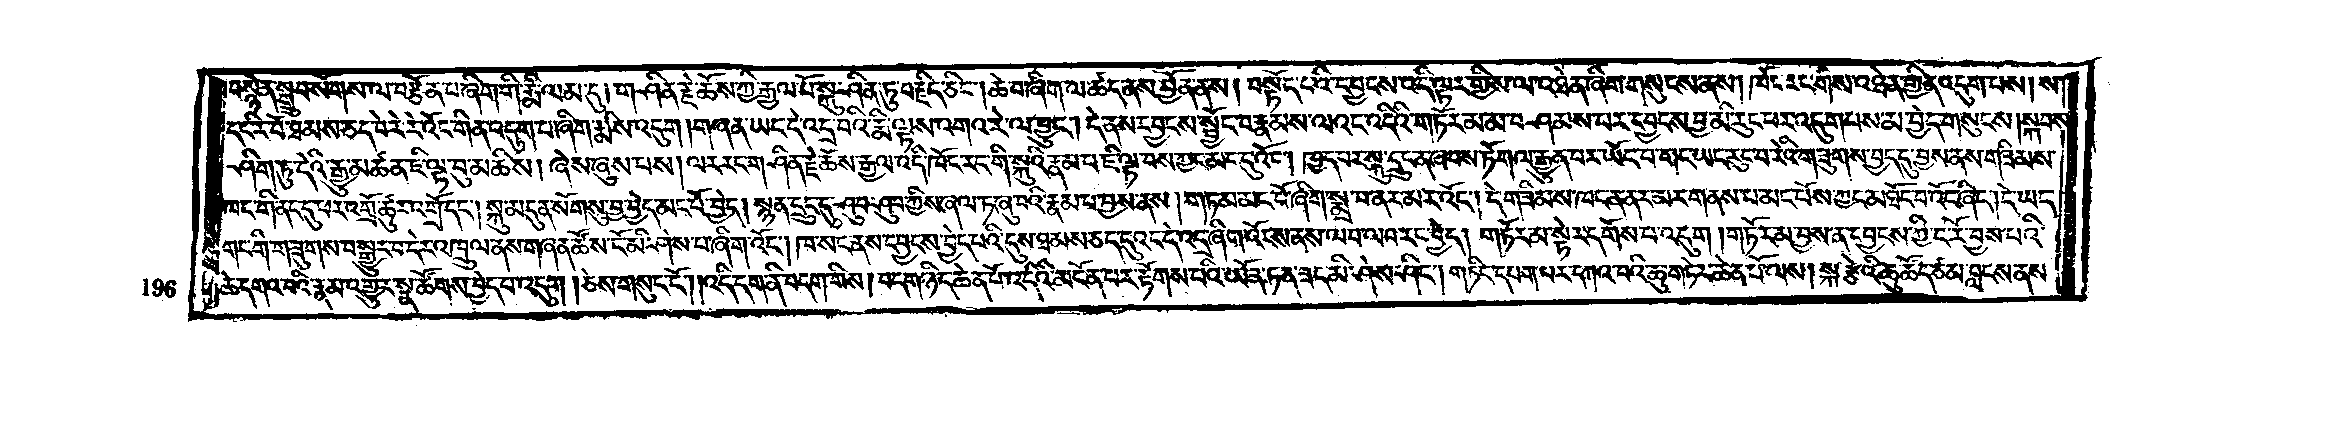བསྙེན་སྒྲུབ་སོགས་ལ་བརྩོན་པ་ཞིག་གི་རྨི་ལམ་དུ། གཤིན་རྗེ་ཆོས་ཀྱི་རྒྱལ་པོ་སྐུ་ཤིན་ཏུ་བརྗིད་ཅིང་། ཆེ་བ་ཞིག་ལ་ཚད་ནས་བྱོན་ནས། བསྟོད་པའི་དབྱངས་འདི་ལྟར་གྱིས་ལ་འཐེན་ཞིག་གསུངས་ནས། ཁོང་རང་གིས་འཐེན་གྱིན་འདུག་པས། ས་
དང་རི་བོ་ཐམས་ཅད་བེ་རེ་རེ་འོང་གིན་འདུག་པ་ཞིག་རྨིས་འདུག །གཞན་ཡང་དེ་འདྲ་བའི་རྨི་ལྟས་འགའ་རེ་ལ་བྱུང་། དེ་ནས་དབྱངས་སྦྱོང་བ་རྣམས་ལའང་འདིའི་གཏོར་མ་མ་བཤམས་པར་དབྱངས་བྱ་མི་རུང་ཕར་འདུག་པས་མ་བྱེད་གསུངས། སྐབས་
ཤིག་ཏུ་དེའི་རྒྱུ་མཚན་ཇི་ལྟ་བུ་མཆིས། ཞེས་ཞུས་པས། ལར་རང་གཤིན་རྗེ་ཆོས་རྒྱལ་འདི་ཁོང་རང་གི་སྐུའི་རྣམ་པ་ཇི་ལྟ་བས་ཀྱང་མང་དུ་འོང་། ཁྱད་པར་སྐུ་དྲུང་ན་ཞབས་ཏོག་ལ་རྒྱུན་པར་ཡོད་པ་གང་ཡང་རུང་བ་རེའི་གཟུགས་བྱད་དུ་བྱས་ནས་གཟིམས་
ཁང་གི་ནང་དུ་ཕར་འགྲོ་ཚུར་འགྲོ་དང་། སྐུ་མདུན་སོགས་སུ་བྱ་བྱེད་མང་པོ་བྱེད། སྙན་དྲུང་དུ་ཤུབ་ཤུབ་ཀྱིས་ཞལ་ཏ་ཞུ་བའི་རྣམ་པ་བྱས་ནས། གཏམ་མང་པོ་ཞིག་སྨྲ་བ་ནར་མར་འོང་། དེ་གཟིམས་ཁང་ན་ནར་མར་གནས་པ་མང་པོས་ཀྱང་མཐོང་བ་འོང་ཞིང་། དེ་ཡང་
གང་གི་གཟུགས་བསྒྱུར་བ་དེར་འཁྲུལ་ནས་གཞན་ཚོས་ངོ་མི་ཤེས་པ་ཞིག་འོང་། ཁ་སང་ནས་དབྱངས་བྱེད་པའི་དུས་ཐམས་ཅད་དུ་འང་དེ་འདྲ་ཞིག་འོངས་ནས་ལབ་ལབ་རང་བྱེད། གཏོར་མ་སྟེར་དགོས་པ་འདུག །གཏོར་མ་བྱས་ན་དབྱངས་ཀྱི་ང་རོ་བྱས་པའི་
ཆེ་དགའ་བའི་རྣམ་འགྱུར་སྣ་ཚོགས་བྱེད་པ་འདུག །ཅེས་གསུང་ངོ། །འདི་དག་ནི་བདག་གིས། བདག་ཉིད་ཆེན་པོ་འདིའི་མངོན་པར་རྟོགས་པའི་ཡོན་ཏན་ཟད་མི་ཤེས་ཤིང་། གཏིང་དཔག་པར་དཀའ་བའི་ཆུ་གཏེར་ཆེན་པོ་ལས། སྐ་རྩེའི་ཆུ་ཚོད་ཙམ་བླངས་ནས་